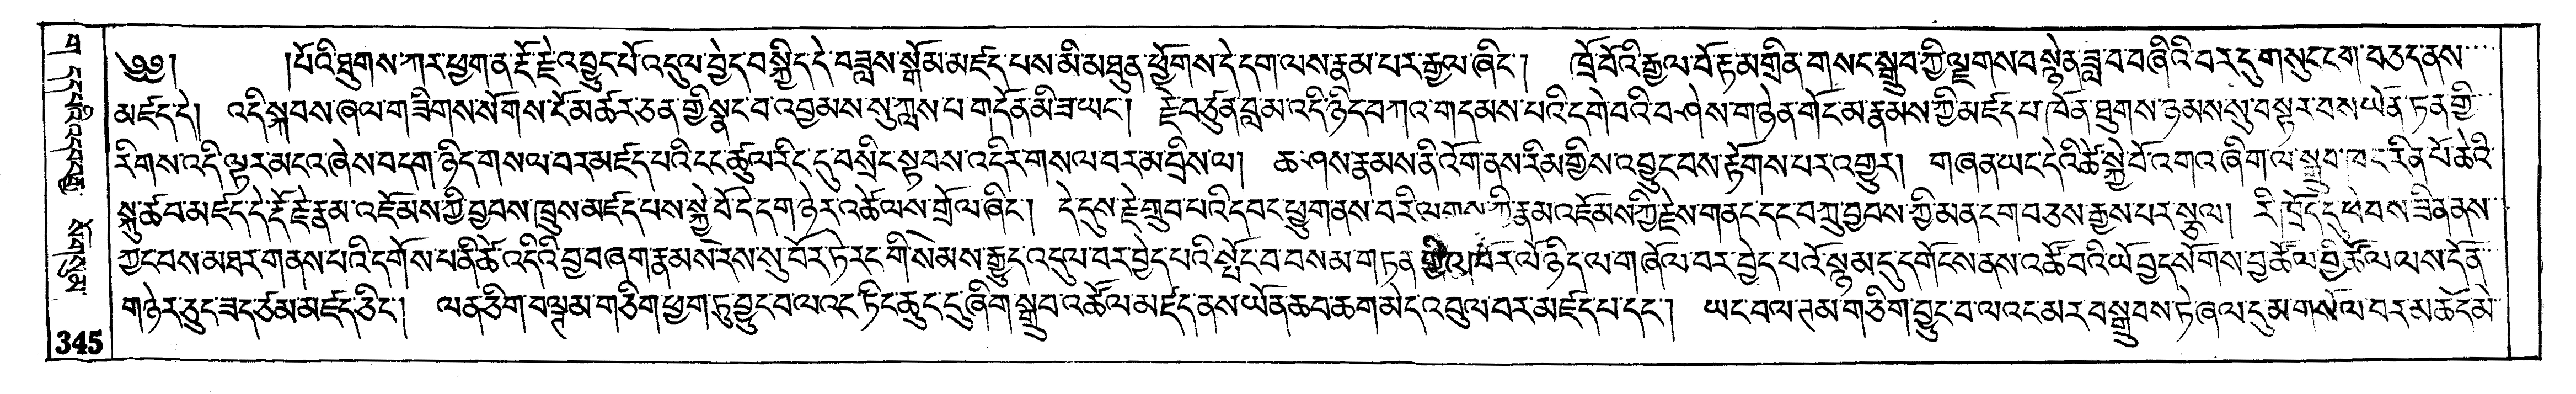༄༅། །པོའི་ཐུགས་ཀར་ཕྱག་ན་རྡོ་རྗེ་འབྱུང་པོ་འདུལ་བྱེད་བསྐྱེད་དེ་བཟླས་སྒོམ་མཛད་པས་མི་མཐུན་ཕྱོགས་དེ་དག་ལས་རྣམ་པར་རྒྱལ་ཞིང་། ཁྲོ་པོའི་རྒྱལ་པོ་རྟ་མགྲིན་གསང་སྒྲུབ་ཀྱི་ལྗགས་བསྙེན་ཟླ་བ་བཞིའི་བར་དུ་གསུང་ངག་བཅད་ནས་
མཛད་དེ། འདི་སྐབས་ཞལ་གཟིགས་སོགས་ངོ་མཚར་ཅན་གྱི་སྣང་བ་འབྱམས་སུ་ཀླས་པ་གདོན་མི་ཟ་ཡང་། རྗེ་བཙུན་བླ་མ་འདི་ཉིད་བཀའ་གདམས་པའི་དགེ་བའི་བཤེས་གཉེན་གོང་མ་རྣམས་ཀྱི་མཛད་པ་ཁོ་ན་ཐུགས་ཉམས་སུ་བསྟར་བས་ཡོན་ཏན་གྱི་
རིགས་འདི་ལྟར་མངའ་ཞེས་བདག་ཉིད་གསལ་བར་མཛད་པའི་དང་ཚུལ་རིང་དུ་བསྲིང་སྟབས་འདིར་གསལ་བར་མ་བྲིས་ལ། ཆ་ཤས་རྣམས་ནི་འོག་ནས་རིམ་གྱིས་འབྱུང་བས་རྟོགས་པར་འགྱུར། གཞན་ཡང་དེའི་ཚེས་ཀྱེ་བོ་འགའ་ཞིག་ལ་སྒྲུབ་ཁང་རིན་པོ་ཆེའི་
སྐུ་ཚབ་མཛད་དེ་རྡོ་རྗེ་རྣམ་འཇོམས་ཀྱི་བྱབས་ཁྲུས་མཛད་པས་སྐྱེ་བོ་དེ་དག་ཉེར་འཚེ་ལས་གྲོལ་ཞིང་། དེ་དུས་རྗེ་གྲུབ་པའི་དབང་ཕྱུག་ནས་བ་རི་ལུགས་ཀྱི་རྣམ་འཇོམས་ཀྱི་རྗེས་གནང་དང་བཀྲུ་བྱབས་ཀྱི་མན་ངག་བཅས་རྒྱས་པར་སྩལ། རི་ཁྲོད་དུ་ཕེབས་ཟིན་ནས་
ཀྱང་བས་མཐར་གནས་པའི་དགོས་པ་ནི་ཚེ་འདིའི་བྱ་བཞག་རྣམས་རེས་སུ་བོར་ཏེ་རང་གི་སེམས་རྒྱུད་འདུལ་བར་བྱེད་པའི་སྤོང་བ་བསམ་གཏན་གྱི་འཁོར་ལོ་ཉིད་ལ་གཞོལ་བར་བྱེད་པའོ་སྙམ་དུ་དགོངས་ནས་འཚོ་བའི་ཡོ་བྱད་སོགས་བྱ་ཚོལ་བྱི་ཚོལ་ལས་དོན་
གཉེར་ཅུང་ཟང་ཙམ་མཛད་ཅིང་། ལན་ཅིག་བླྚམ་གཅིག་ཕྱག་ཏུ་བྱུང་བ་ལའང་ཏིང་ཆུང་དུ་ཞིག་སྒྲུབ་འཚོལ་མཛད་ནས་ཡོན་ཆབ་ཆག་མེད་འབུལ་བར་མཛད་པ་དང་། ཡང་བལ་ཊམ་གཅིག་བྱུང་བ་ལའང་མར་བསྒྲུབས་ཏེ་ཞལ་དུ་མ་གསོལ་བར་མཆོད་མེ་